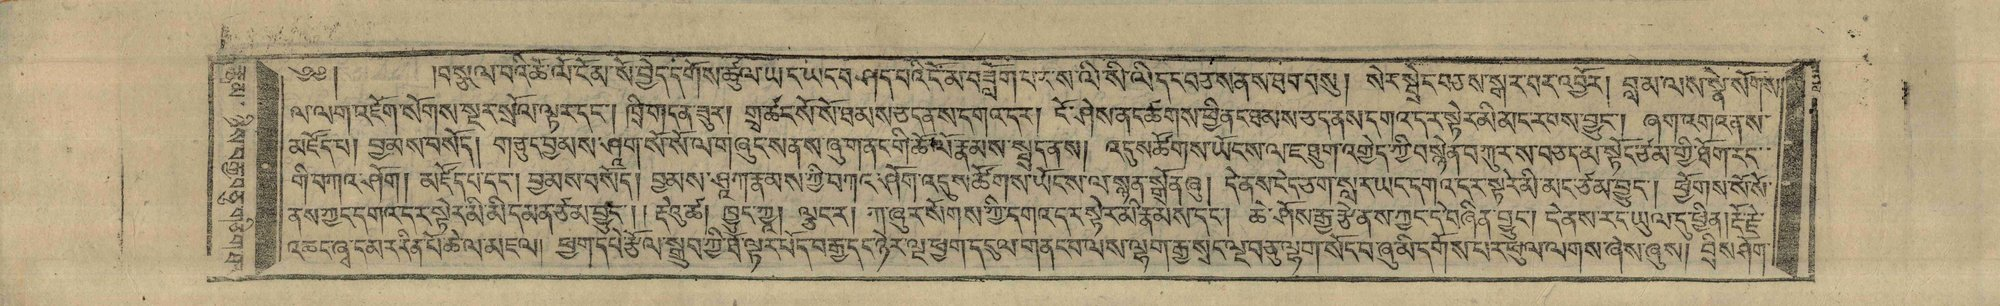༄༅། །བསྩལ་བའི་ཆོ་ལོ་ངོམ་སོ་བྱེད་དགོས་ཚུལ་ཡང་ཡང་བཤད་པའི་ངོ་མ་བཟློག་པར་ས་ལི་སི་ལི་དང་བཅས་ནས་ཐབ་བསུ། སེར་སྦྲེང་བཅས་སྒར་བར་འབྱོར། བླ་མ་ལས་སྣེ་སོགས་
ལ་ལག་འཇོག་སོགས་སྔར་སྲོལ་ལྟར་དང་། ཁྲི་གདན་ཟུར། གྲྭ་ཚང་སོ་སོ་ཐམས་ཅད་ནས་དགའ་དར། ངོ་ཤེས་ནང་ཚགས་ཕྱི་ནང་ཐམས་ཅད་ནས་དགའ་དར་སྟེར་མི་མང་རབས་བྱུང་། ཞག་འགའ་ནས་
མཛོད་པ། བྱམས་བསོད། གཅུང་བྱམས་ཤཱག་སོ་སོ་ལ་གཞུང་ས་ནས་ཞུ་གནང་གི་ཆོ་ལོ་རྣམས་སྤྲད་ནས། འདུས་ཚོགས་ཡོངས་ལ་ཇ་ཐུག་འགྱེད་ཀྱི་བསྙེན་བཀུར་ས་བཅད་མ་སྟོང་ཙམ་གྱི་ཐོག་རང་
གི་བཀའ་ཤོག །མཛོད་པ་དང་། བྱམས་བསོད། བྱམས་ཤཱཀ་རྣམས་ཀྱི་བཀའ་ཤོག་འདུས་ཚོགས་ཡོངས་ལ་སྙན་སྒྲོན་ཞུ། དེ་ནས་ངེད་ཅག་སླར་ཡང་དགའ་དར་སྟེར་མི་མང་ཙམ་བྱུང་། ཕྱོགས་སོ་སོ་
ནས་ཀྱང་དགའ་དར་སྟེར་མི་མི་དམན་ཙམ་བྱུང་། །རྡེའུ་ཚ། ཁྱུང་ཀྱཱ། ལྕང་ར། ཀ་ཞུར་སོགས་ཀྱི་དགའ་དར་སྟེར་མི་རྣམས་དང་། ཆེ་ཤོས་རྒྱ་རྩེ་ནས་ཀྱང་དེ་བཞིན་བྱུང་། དེ་ནས་རང་ཡུལ་དུ་ཕྱིན། རྡོ་རྗེ་
འཆང་ཞྭ་དམར་རིན་པོ་ཆེ་ལ་མཇལ། ཕྱག་དཔེ་རྩོལ་སྒྲུབ་ཀྱི་ཐོ་ལྟར་པོད་བརྒྱ་དང་ཉེར་ལྔ་ཕྱག་དངུལ་གནང་བ་ལས་ལྷག་རྒྱ་སྲང་ལྔ་བཅུ་ལྷག་སོང་བ་ཞུ་མི་དགོས་པར་ཕུལ་ལགས་ཞེས་ཞུས། བྲིས་ཤོག་